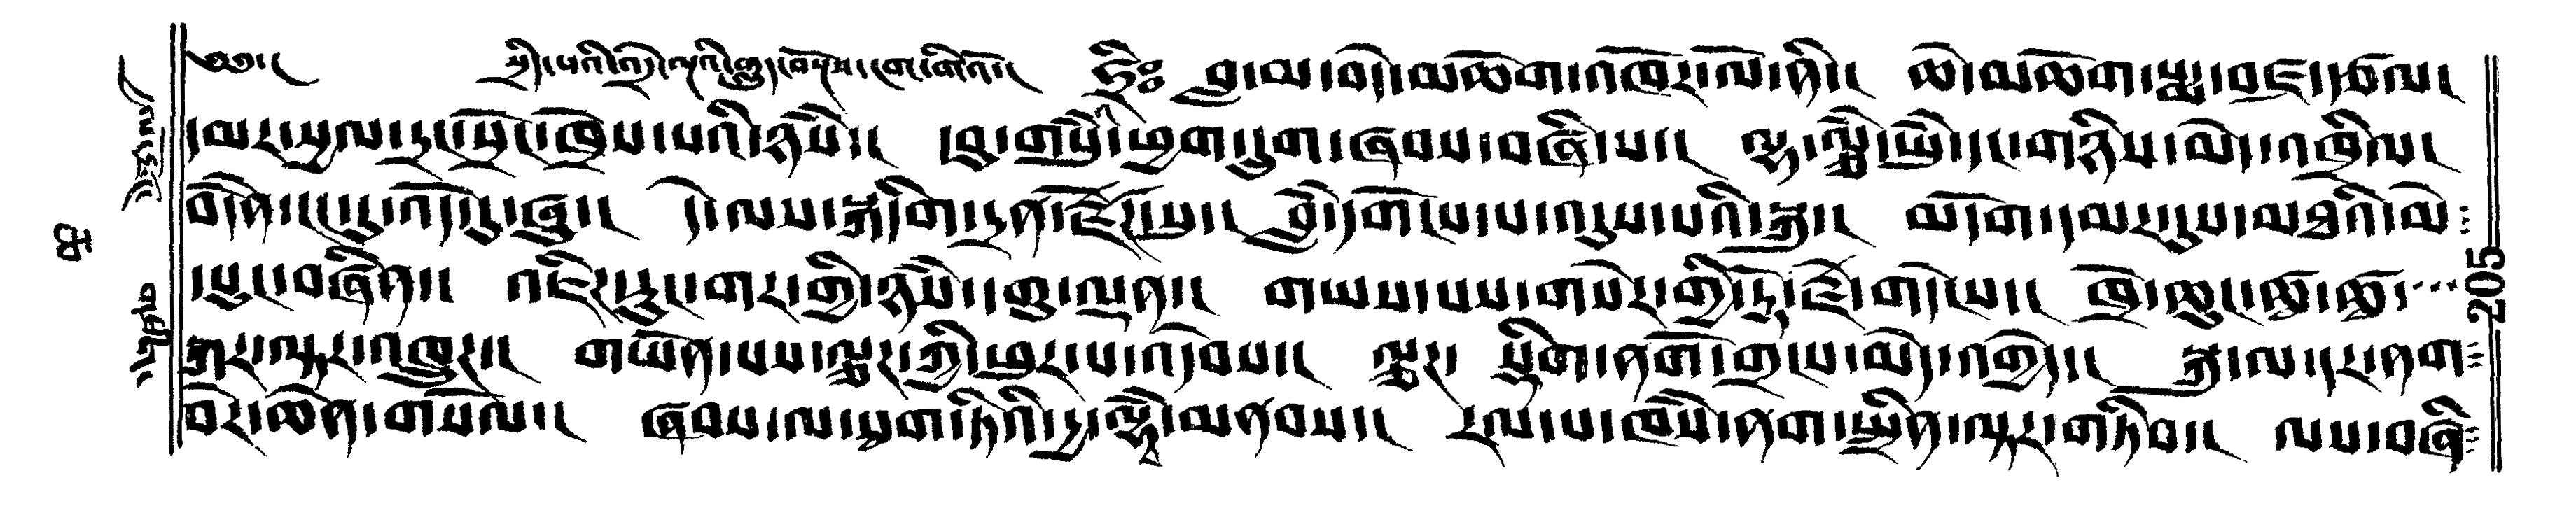༄༅། སྲིད་པའི་འདྲེ་ལྔའི་གླུད་བསྔོས་བཞུགས།། ཧྲཱིཿ བླ་མ་བདེ་མཆོག་འཁོར་ལོ་ནི། །ཆེ་མཆོག་པདྨ་བཛྲ་རྩལ། །
དམར་གསལ་དྲང་སྲོང་ཁྲོས་པའི་ཉམས། །དབུ་གསུམ་ཕྱག་དྲུག་ཞབས་བཞི་པ། །ལྷ་ལྕམ་ཡུམ་དང་གཉིས་མེད་འཁྲིལ། །
བདེ་ཆེན་ངང་དུ་འོད་དུ་ཞུ། །དེ་ལས་སྐད་ཅིག་དྲན་རྫོགས་སུ། །བླ་མ་དགོངས་པ་འདུས་པའི་སྐུ། །མདོག་དམར་དུས་མཐའི་མེ་
དཔུང་བཞིན། །འཇིགས་རུང་གར་གྱི་ཉམས་དགུ་ལྡན། །གཡས་པས་གསེར་གྱི་རྡོ་རྗེ་གདེངས། །ཁྲོ་ཆུང་ཚྭ་ཚྭ་
སྐར་ལྟར་འཁྲུགས། །གཡོན་པས་ལྕགས་ཀྱི་ཕུར་པ་འདེབས། །ལྕགས་སྡིག་ནག་པོ་གྲངས་མེད་འགྱེད། །སྐུ་ལ་དར་ནག་
བེར་ཆེན་གསོལ། །ཞབས་ལ་སྭག་ཏིའི་རྒྱ་ལྷྭམ་མནབས། །རལ་པ་ཁམས་ནག་སྤྲིན་ལྟར་གཏིབ། །ལས་བཞི་